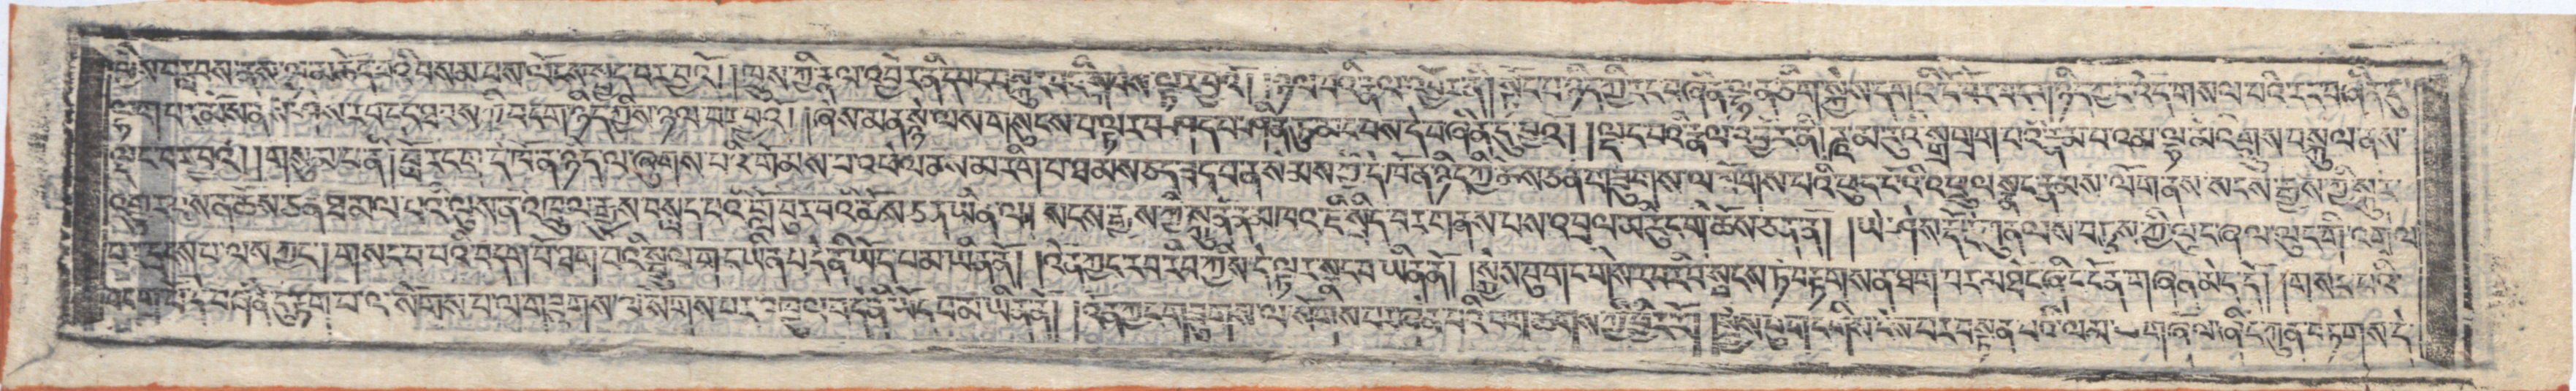གྱིས་བརླབས་ནས་ལྷ་མཆོད་པའི་བསམ་པས་ལོངས་སྤྱད་པར་བྱའོ། །ཁྲུས་ཀྱི་རྣལ་འབྱོར་ནི་དབང་བསྐུར་བའི་སྐབས་ལྟར་བྱའོ། །ཉལ་བའི་རྣལ་འབྱོར་ནི། སྟོང་པ་ཉིད་ཀྱི་རང་བཞིན་ལྷན་ཅིག་སྐྱེས་དགའི་ངོ་བོར་བདག་ཉིད་ཀྱང་འོད་གསལ་བའི་རང་བཞིན་དུ་
ལྷག་པར་མོས་ནས་ཤེས་རབ་དང་ཐབས་ཀྱི་བདག་ཉིད་ཀྱིས་ཉལ་བར་བྱའོ། །ཞེས་མན་སྙེ་ལས་གསུངས་པ་ལྟར་བཤད་པ་ཤིན་ཏུ་མང་བས་དེ་བཞིན་དུ་བྱའོ། །ལྡང་བའི་རྣལ་འབྱོར་ནི། ཌཱ་མ་རུའི་སྒྲ་གྲག་པའི་རྣམ་པ་འམ་ལྷ་མོའི་གླུས་བསྐུལ་ནས་
ལྡང་བར་བྱའོ། །གསུམ་པ་ནི། བློ་རང་གི་དེ་ཁོ་ན་ཉིད་ལ་ཞུགས་པའི་གོམས་པ་འཕེལ་ནས་མ་རིག་པ་ཐམས་ཅད་ཟད་པ་ན་སེམས་ཀྱི་དེ་ཁོ་ན་ཉིད་ཀྱི་ཆོས་ཅན་གཟུགས་ལ་སོགས་པའི་ཕུང་པོའི་འཕྲུལ་སྣང་རྣམས་ལོག་ནས་སངས་རྒྱས་ཀྱི་སྐུར་
འགྱུར་པས་ན་ཆོས་ཅན་ཐ་མལ་པའི་ལུས་ནི་འཁྲུལ་རྒྱུས་བསླད་པའི་གློ་བུར་པའི་ཆོས་ཅན་ཡིན་ལ། སངས་རྒྱས་ཀྱི་སྐུ་ནི་ནམ་མཁའ་ཇི་སྲིད་པར་གནས་པས་འབྲལ་མི་རུང་གི་ཆོས་ཅན་ནོ། །ཡེ་ཤེས་རྡོ་རྗེ་ཀུན་ལས་བཏུས་ཀྱི་ལུང་ཞལ་ལུང་གི་འགྲེལ་
པར་དྲངས་བ་ལས་ཀྱང་། གསང་བ་པའི་བདག་པོ་ཐག་པའི་སྦྲུལ་གང་ཡིན་པ་དེ་ནི་ཡོད་པ་མ་ཡིན་ནོ། །འོན་ཀྱང་རབ་རིབ་ཀྱིས་དེ་ལྟར་སྣང་བ་ཡིན་ནོ། །སྐྱེས་བུ་གང་གིས་རབ་རིབ་སྤངས་ཏེ་བརྟགས་ན་ཐག་པར་མཐོང་ཞིང་དོན་གཞན་མེད་དོ། །གསང་བའི་
བདག་པོ་དེ་བཞིན་དུ་རྟག་པ་ལ་སོགས་པ་ལ་གཟུགས་ལ་སོགས་པར་འཁྲུལ་པ་དེ་ནི་ཡོད་པ་མ་ཡིན་ནོ། །འོན་ཀྱང་གཟུགས་ལ་སོགས་པར་ཞེན་པའི་བག་ཆགས་ཀྱི་ཕྱིར་རོ། །སྐྱེས་བུ་གང་གིས་ངེས་པར་བསྟན་པའི་ལམ་ལ་གཞོལ་ཞིང་ཀུན་བཏགས་དེ་